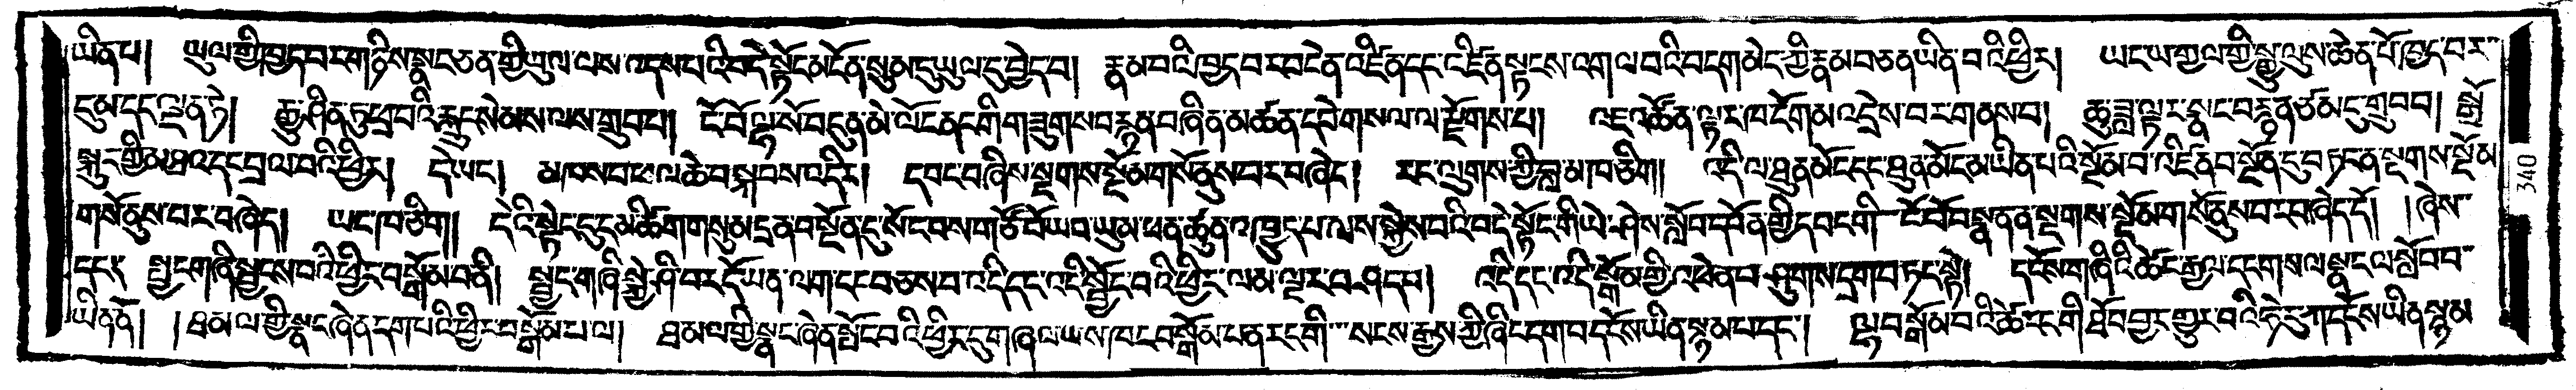ཡིན་པ། ཡུལ་གྱི་ཁྱད་པར་གཉིས་སྣང་ཅན་གྱི་ཡུལ་ལས་འདས་པའི་བདེ་སྟོང་མངོན་སུམ་དུ་ཡུལ་དུ་བྱེད་པ། རྣམ་པའི་ཁྱད་པར་བདེན་འཛིན་དང་འཛིན་སྟངས་འགལ་བའི་བདག་མེད་ཀྱི་རྣམ་པ་ཅན་ཡིན་པའི་ཕྱིར། ཡང་ཡ་གྱལ་གྱི་སྒྱུ་ལུས་ཆེན་པོ་ཁྱད་པར་
དུམ་དང་ལྡན་ཏེ། རྒྱུ་ཤིན་ཏུ་ཕྲ་བའི་རླུང་སེམས་ལས་གྲུབ་པ། ངོ་བོ་ལྷ་སོ་བདུན་མེ་ལོང་ནང་གི་གཟུགས་བརྙན་བཞིན་མཚན་དཔེ་གསལ་ལ་རྫོགས་པ། འཇའ་ཚོན་ལྟར་ཁ་དོག་མ་འདྲེས་པར་གནས་པ། ཆུ་ཟླ་ལྟར་སྣང་བརྙན་ཙམ་དུ་གྲུབ་བ། སྒྲོ་
སྐུར་གྱི་མཐའ་དང་བྲལ་བའི་ཕྱིར། དེ་ཡང་། མཁས་པ་ཕལ་ཆེ་བ་སྐབས་འདིར། དབང་བཞིས་སྔགས་སྡོམ་གསོ་ནུས་པར་བཞེང་། རང་ལུགས་ཀྱི་བླ་མ་ཁ་ཅིག། འདི་ལ་ཐུན་མོང་དང་ཐུན་མོང་མ་ཡིན་པའི་སྡོམ་པ་འཛིན་པ་སྔོན་དུ་བཏང་ན་སྔགས་སྡོམ་
གསོ་ནུས་པར་བཞེད། ཡང་ཁ་ཅིག། དེའི་སྟེང་དུ་དམ་ཚིག་གསུམ་དྲན་བ་སྔོན་དུ་སོང་བས་གཙོ་བོ་ཡབ་ཡུམ་ཕན་ཚུན་འཁྱུད་པ་ལས་སྐྱེས་པའི་བདེ་སྟོང་གི་ཡེ་ཤེས་སློབ་དཔོན་གྱི་དབང་གི་ངོ་བོ་བསྣན་ན་སྔགས་སྡོམ་གསོ་ནུས་པར་བཞེད་དོ། །ཞེས་
དང༑ སྤྱང་གཞི་སྦྱངས་པའི་ཕྱིར་བསྒོམ་པ་ནི། སྤྱང་གཞི་སྐྱེ་ཤི་བར་དོ་ཡན་ལག་དང་བཅས་པ་འདི་དང་འདི་སྦྱོང་བའི་ཕྱིར་ལམ་ལྔར་བཤད་པ། འདི་དང་འདི་སྒོམ་གྱི་འཕེན་པ་ཤུགས་དྲག་བཏང་སྟེ། དངོས་གཞིའི་ཚེ་ང་རྒྱལ་དང་གསལ་སྣང་ལ་སློབ་བ་
ཡིན་ནོ། །ཐ་མལ་གྱི་སྣང་ཞེན་དག་པའི་ཕྱིར་བསྒོམ་པ་ལ། ཐ་མལ་གྱི་སྣང་ཞེན་སྤོང་བའི་ཕྱིར་དུ་གཞལ་ཡས་ཁང་བསྒོམ་པ་ན་རང་གི་སངས་རྒྱས་ཀྱི་ཞིང་དག་པ་དངོས་ཡིན་སྙམ་པ་དང་། ལྷ་བསྒོམ་པའི་ཚེ་དང་གི་ཐོབ་བྱང་གྱུར་པའི་ཧེ་རུ་ཀ་དངོས་ཡིན་སྙམ་